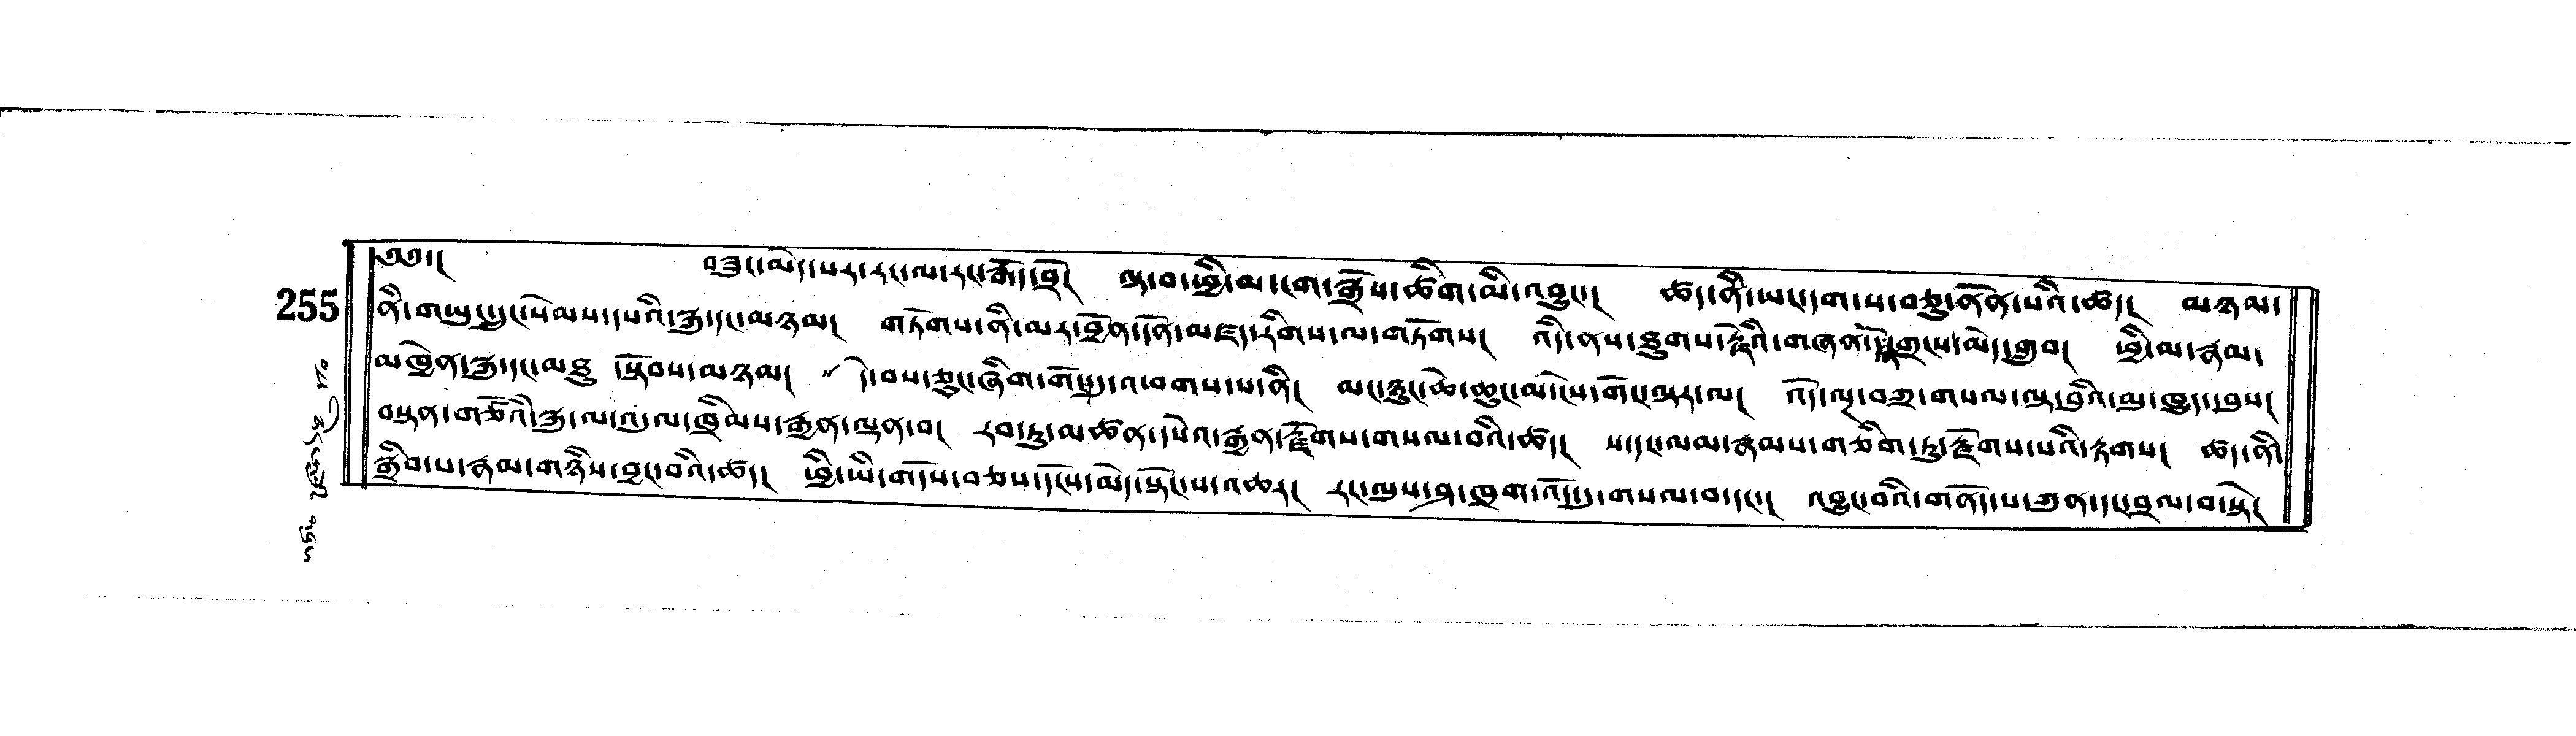བཟུང་མེད་པར་རང་ལ་རང་རྒོད་བྲོ། ལྟ་བ་ཕྱི་མ་ངག་སྒྲོས་ཚིག་མི་འབྱུང་། ཚད་ནི་ཡང་དག་ས་བཅུ་ནོན་པའི་ཚད། མཉམ་
ནི་གཡུང་དྲུང་སེམས་དཔའི་སྐུ་དང་མཉམ། གཏོགས་ནི་མར་བྱོན་དོན་མཛད་རིགས་ལ་གཏོགས། འདི་ནས་ཐུགས་རྗེའི་གཞན་དོན་གྲངས་མེད་གྲུབ། ཕྱི་མ་རྣམ་
མཁྱེན་སྐུ་དང་མཐུ་སྟོབས་མཉམ། ༧ དེ་བས་ཅུང་ཞིག་གོང་དུ་འཕགས་པ་ནི། མང་ཉུང་ཆེ་ཆུང་མ་ངེས་གོང་ལྟར་ལ། འོད་ལྔ་བཀྲ་གསལ་ལྟ་བུའི་མུ་ཁྱུད་དབུས། 
བསྟན་གཙོའི་སྐུ་ལ་འདུལ་ཁྲིམས་རྒྱན་ལྡན་པ། རབ་ཏུ་མཚན་དཔེ་རྒྱན་རྫོགས་གསལ་བའི་ཚད། ས་དང་ལམ་རྣམས་གཅིག་ཏུ་རྫོགས་པའི་རྟགས། ཚད་ནི་
སྒྲིབ་པ་རྣམ་གཉིས་བྱང་བའི་ཚད། ཕྱི་ཡི་གདོས་བཅས་དངོས་མེད་སྟོང་པ་འཆར། རང་ལུས་ཤ་ཁྲག་འོད་དུ་གསལ་བ་དང་། འབྱུང་བའི་གནོད་པ་ཀུན་དང་བྲལ་བ་སྟེ།